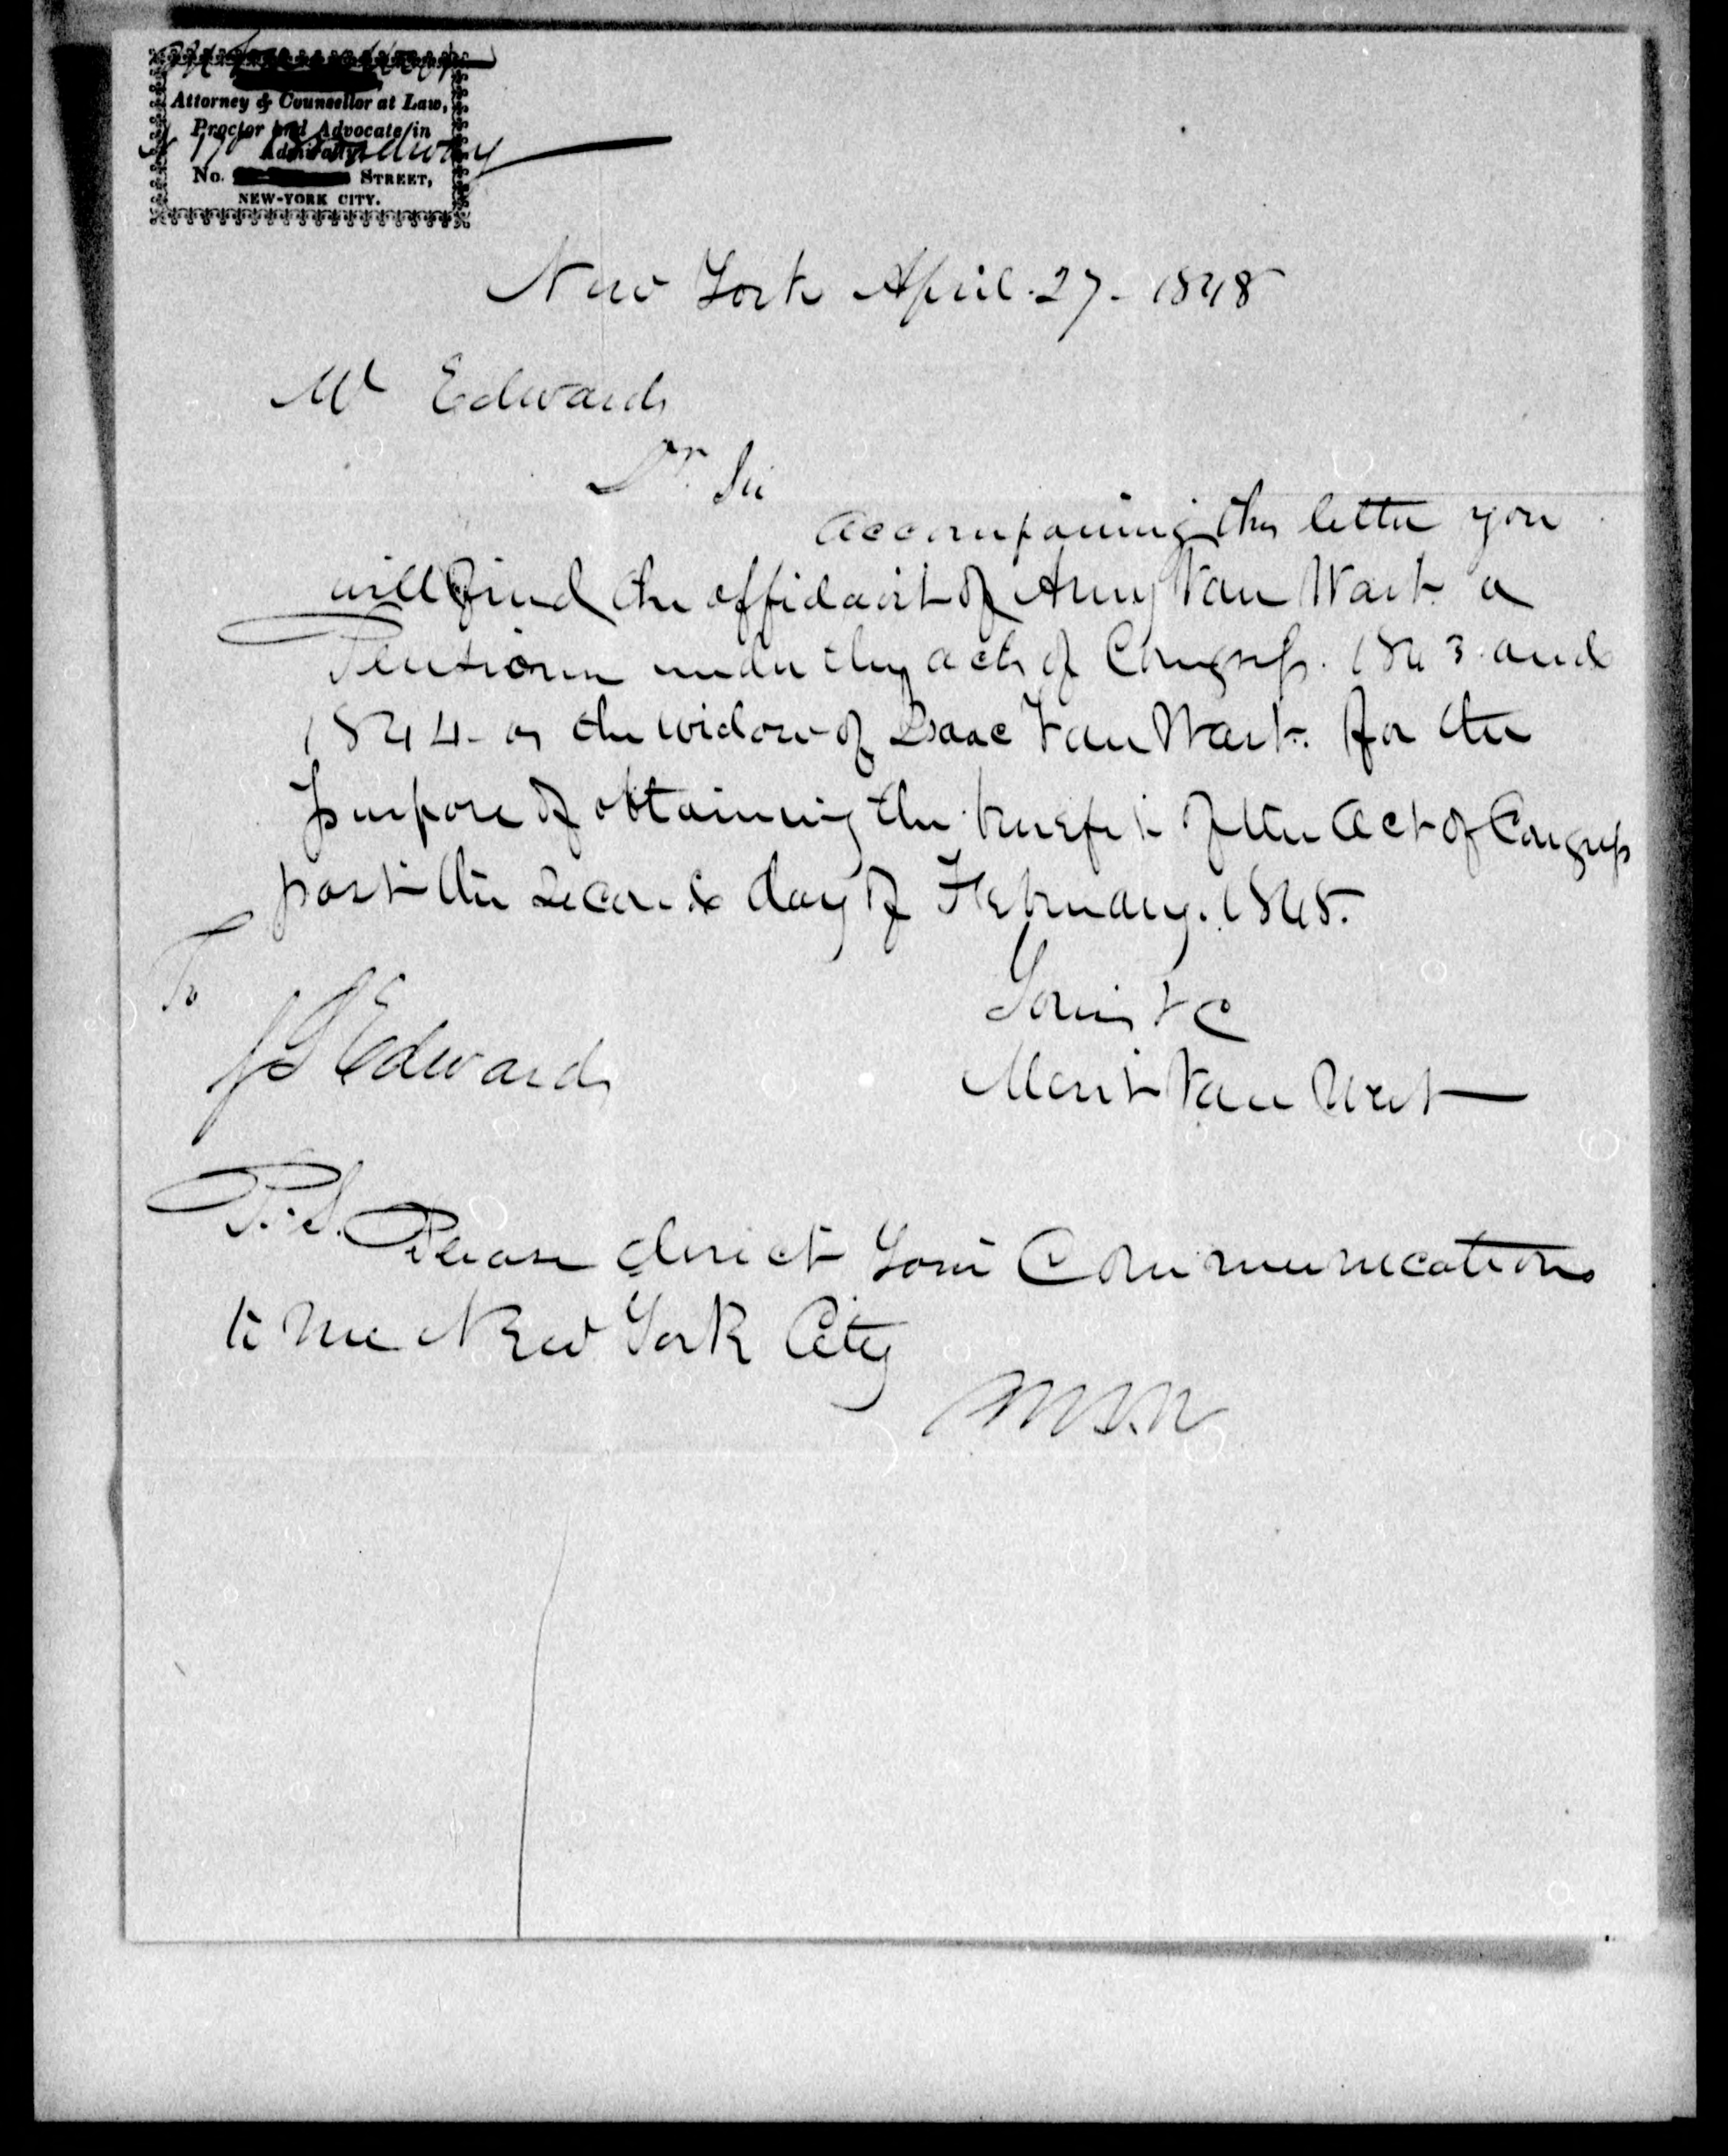[stamped]
Attorney & Counsellor at Law,
Proctor and Advocate in Admiralty
170 Broadway
No. Street New-York City.

New York April 27. 1848 
Mr Edwards 
Dr. Sir
Accompaning this letter you will find the affidavit of Amy Van Wart a Pensioner under the act of Congress, 1843 and 1844 as the widow of Isaac Van Wart. For the purpose of obtaining the benefit of the act of Congress past this second day of February 1845. 
Yours &c
[signed] Merrit Van Wert 
To J. L Edwards  
P.S. Please direct your communications to me New York City M.V.W.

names: Isaac Van Wart, J L Edwards, Edwards, Amy Van Wart, Ment Van Wert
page: 65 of 102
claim: widow's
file: W. 18239, Isaac Van Wart, New York